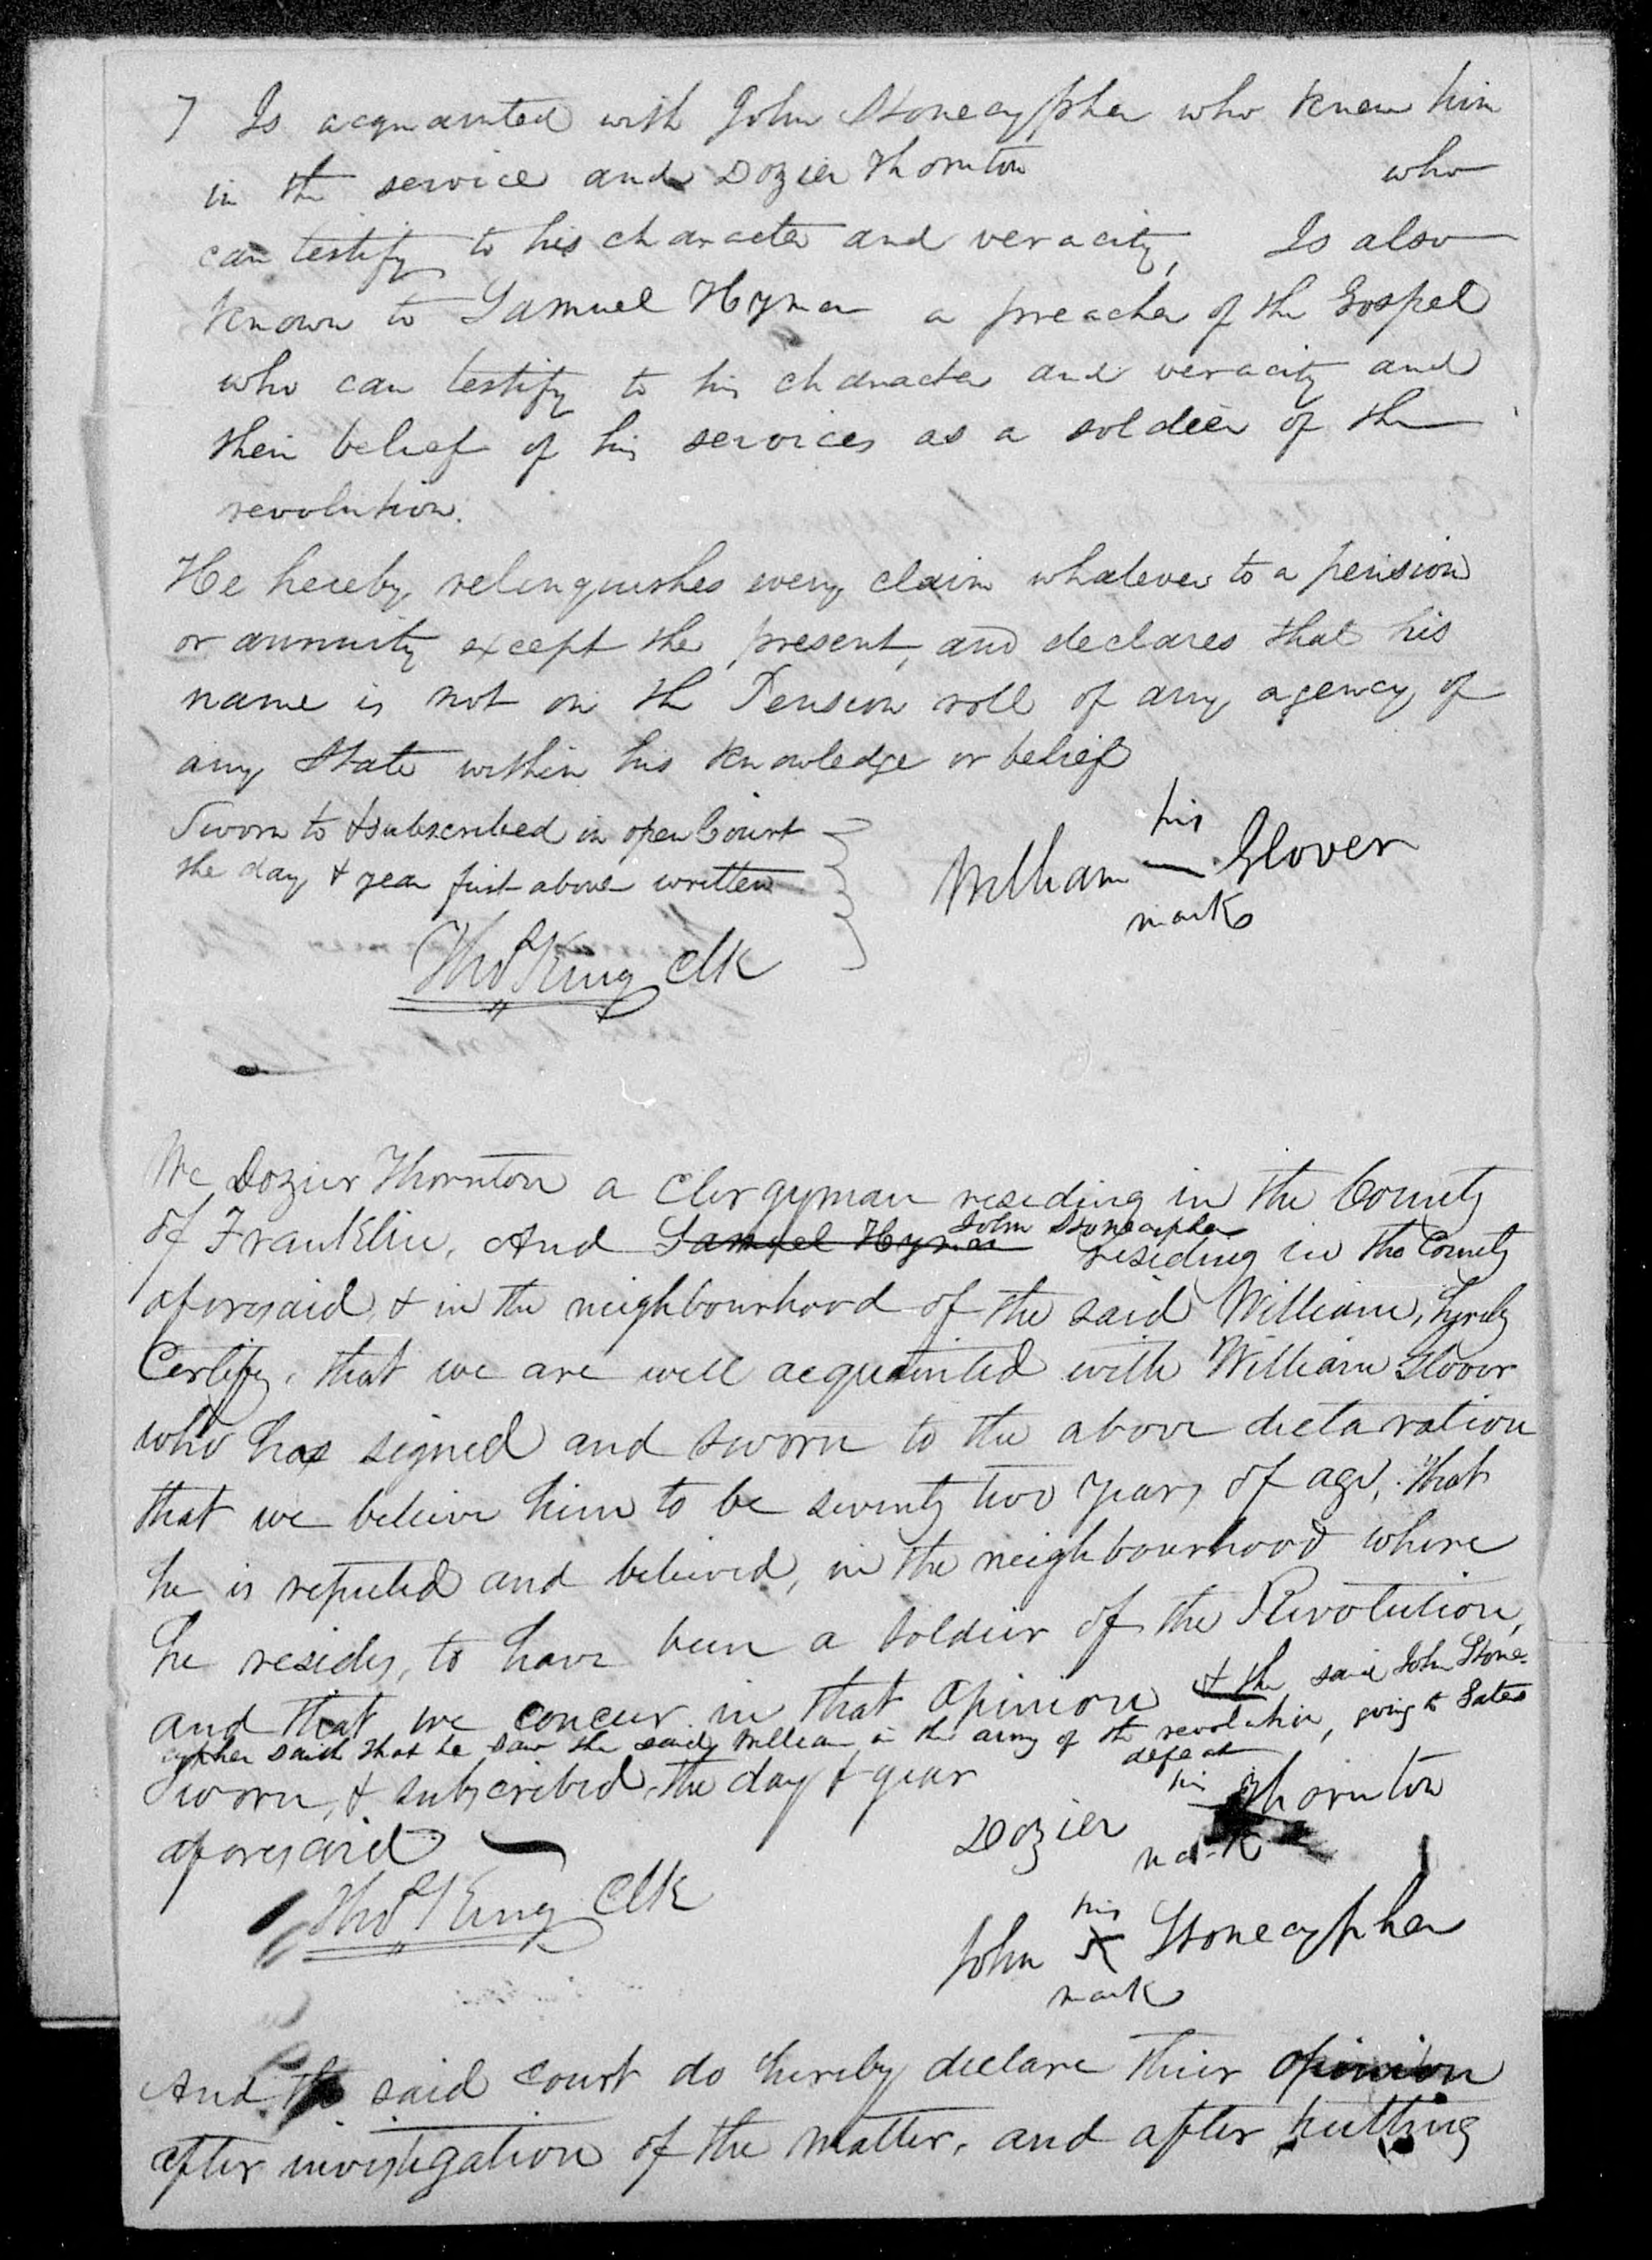7 Is acquainted with John Stonecypher who knew him in the service and Dozier Thornton who can testify to the character and veracity, Is also known to Samuel Morgan a preacher of the Gospel who can testify to his character and veracity and their belief of his services as a soldier of the revolution. 

He hereby relinquishes every claim whatever to a pension or annuity except the present and declares that his name is not on the pension roll of any agency or any State within his knowledge or belief. 

Sworn to transcribed in open Court}
The day & year first above written}  
Thos King clk}                    
                                              his
[right side signature] William/ ^Glover
                                              mark

Mr. Dozier Thornton a clergyman residing in the County of Franklin, And John Stonecypher residing in the county aforesaid & in the neighborhood of the said William, hereby certify that we are well acquainted with William Glover who has signed and sworn to the above declaration that we believe him to be seventy two years of age that he is respected and believed in the neighbourhood where he resides, to have been a soldier of the Revolution, and that we concur in that opinion & the said John Stone then said that he saw the said William in the army of the revolution going to Gates defeat
Sworn & subscribed the day & year aforehand-
                                   his 
Thos King Clk   Dozier ^Thornton
                                   mark
                              his 
                       John^ Stonecypher
                             mark
And said court do hereby declare their opinion after investigation of the matter, and after putting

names: Dozier Thornton, William, John Stonecypher, John Stonecypher, John Hondorpher, William, Thos King, Dozier Thornton, William Glover, John Stone, Thos King, William Glover, Samuel Hyman, Dozier Thornton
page: 7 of 51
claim: widow's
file: W. 929, William Glover, N.C.